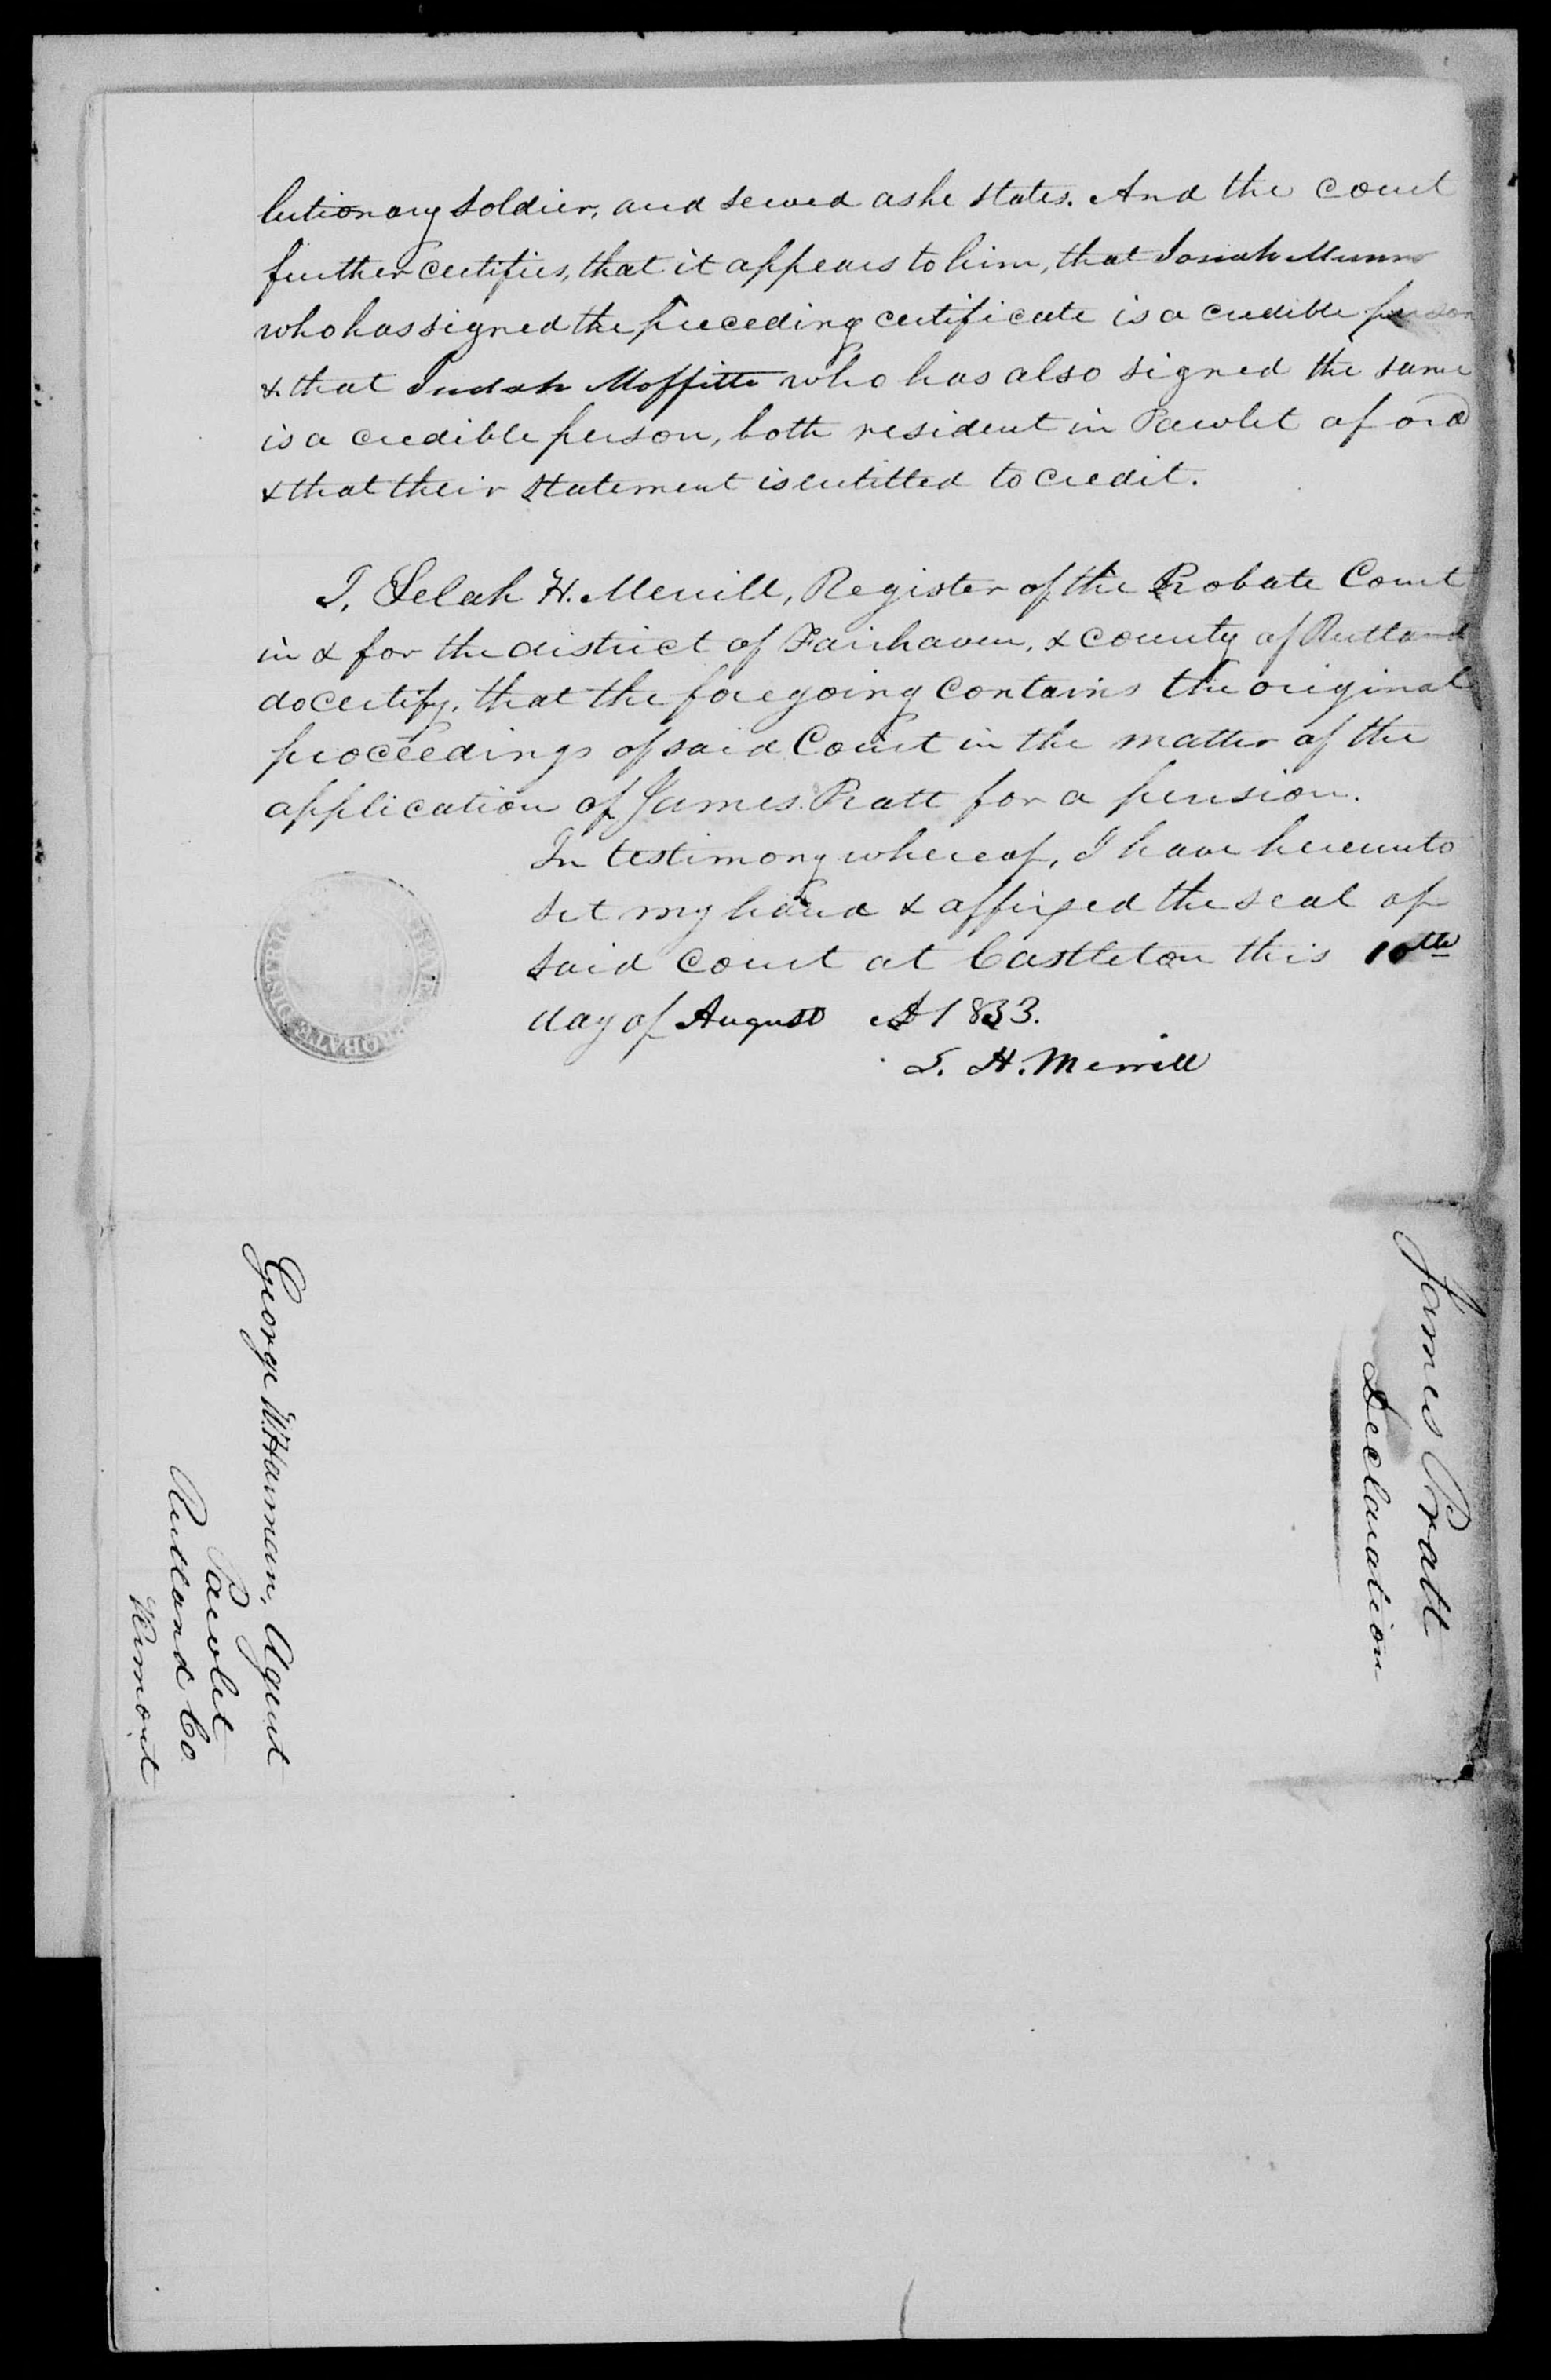lutionary soldier and served as he states. And the Court
further certifies, that it appears to him, that Josiah Munro
who has signed the preceding certificate is a credible person
& that Judah Moffitt who has also signed the same is a credible person, both resident in Pawlet aford & that their statement is entitled to credit.
I, Selah H. Merrill, Register of the Probate Court
in & for the district of Fairhaven, & County of Rutland
do certify, that the foregoing contains the original
proceedings of said Court in the matter of the
application of James Pratt for a pension
In testimony whereof, I have hereunto
set my hand & affixed the seal of
said Court at Castleton this 10th
day of August AD 1833
S. H. Merrill


James Pratt
Declaration

George W. Harman, Agent
Pawlett
Rutland Co
Vermont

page: 22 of 29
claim: survivor's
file: S. 14,222, for James Pratt, Vermont